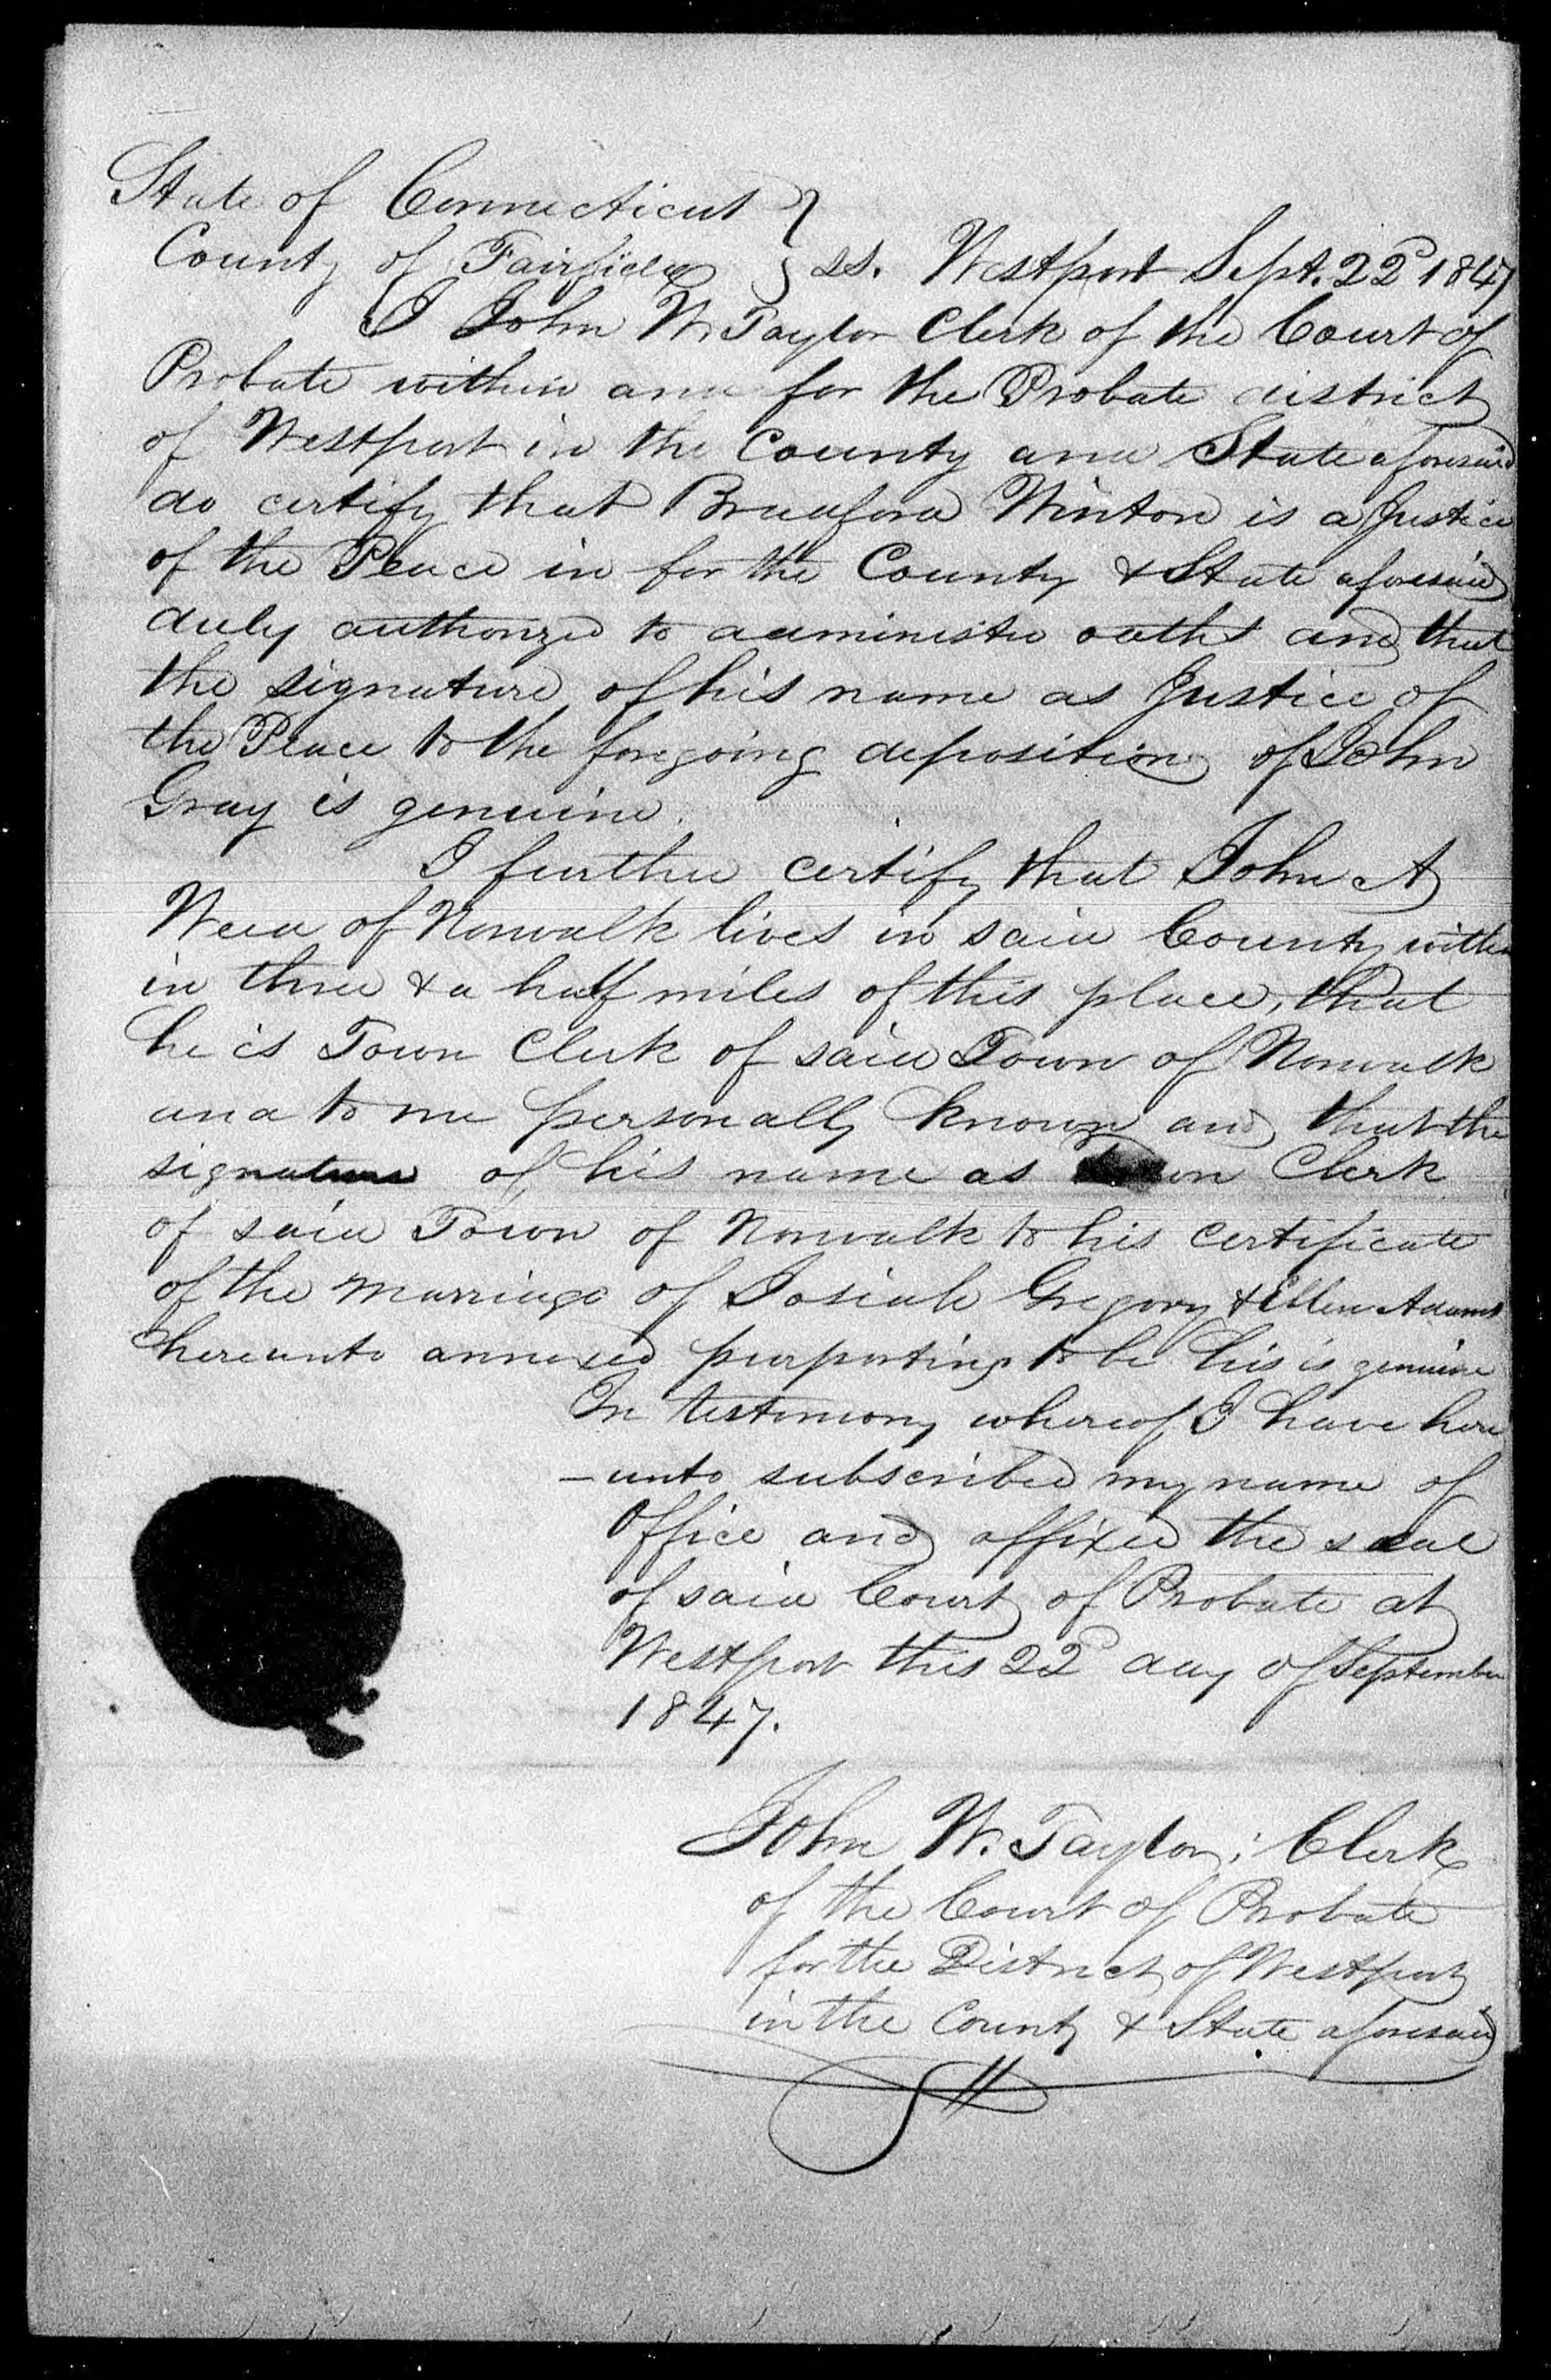State of Connecticut
County of Fairfield} SS Westport Sept. 22 184
I John W. Taylor Clerk of the Court of Probate within & for the Probate district of Westport in the County and State aforesaid do certify that Barford Winton is a Justice of the Peace in for the County & State aforesaid duly authorized to administer oaths and that the signature of his name as Justice of the Peace to the forgoing deposition of John Gray is genuine
    I further certify that John A Weed of Norwalk lived in said County within three & a half miles of this place, that he is Town Clerk of said Town if Norwalk and to me personally known and that the signature of his name as Town Clerk of said Town of Norwalk to his certificate of Marriage of Josiah Gregory & Ellen Adams hereunto annexed purporting to be his is genuine

On testimony whereof I have hereunto subscribed my name of Office and affixed the seal of said Court of Probate at Westport this 22d day of September 1847.
         [Signed]  John W. Taylor, Clerk
                        of the Court of Probate
                        for the District of Westport
                        in the County & State aforesaid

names: Josiah Gregory, John W Taylor, John Gray, John A Weed, John W Taylor, Ellen Adams, Bradford Winton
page: 18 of 49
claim: widow's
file: W 24308, Josiah Gregory, Conn.